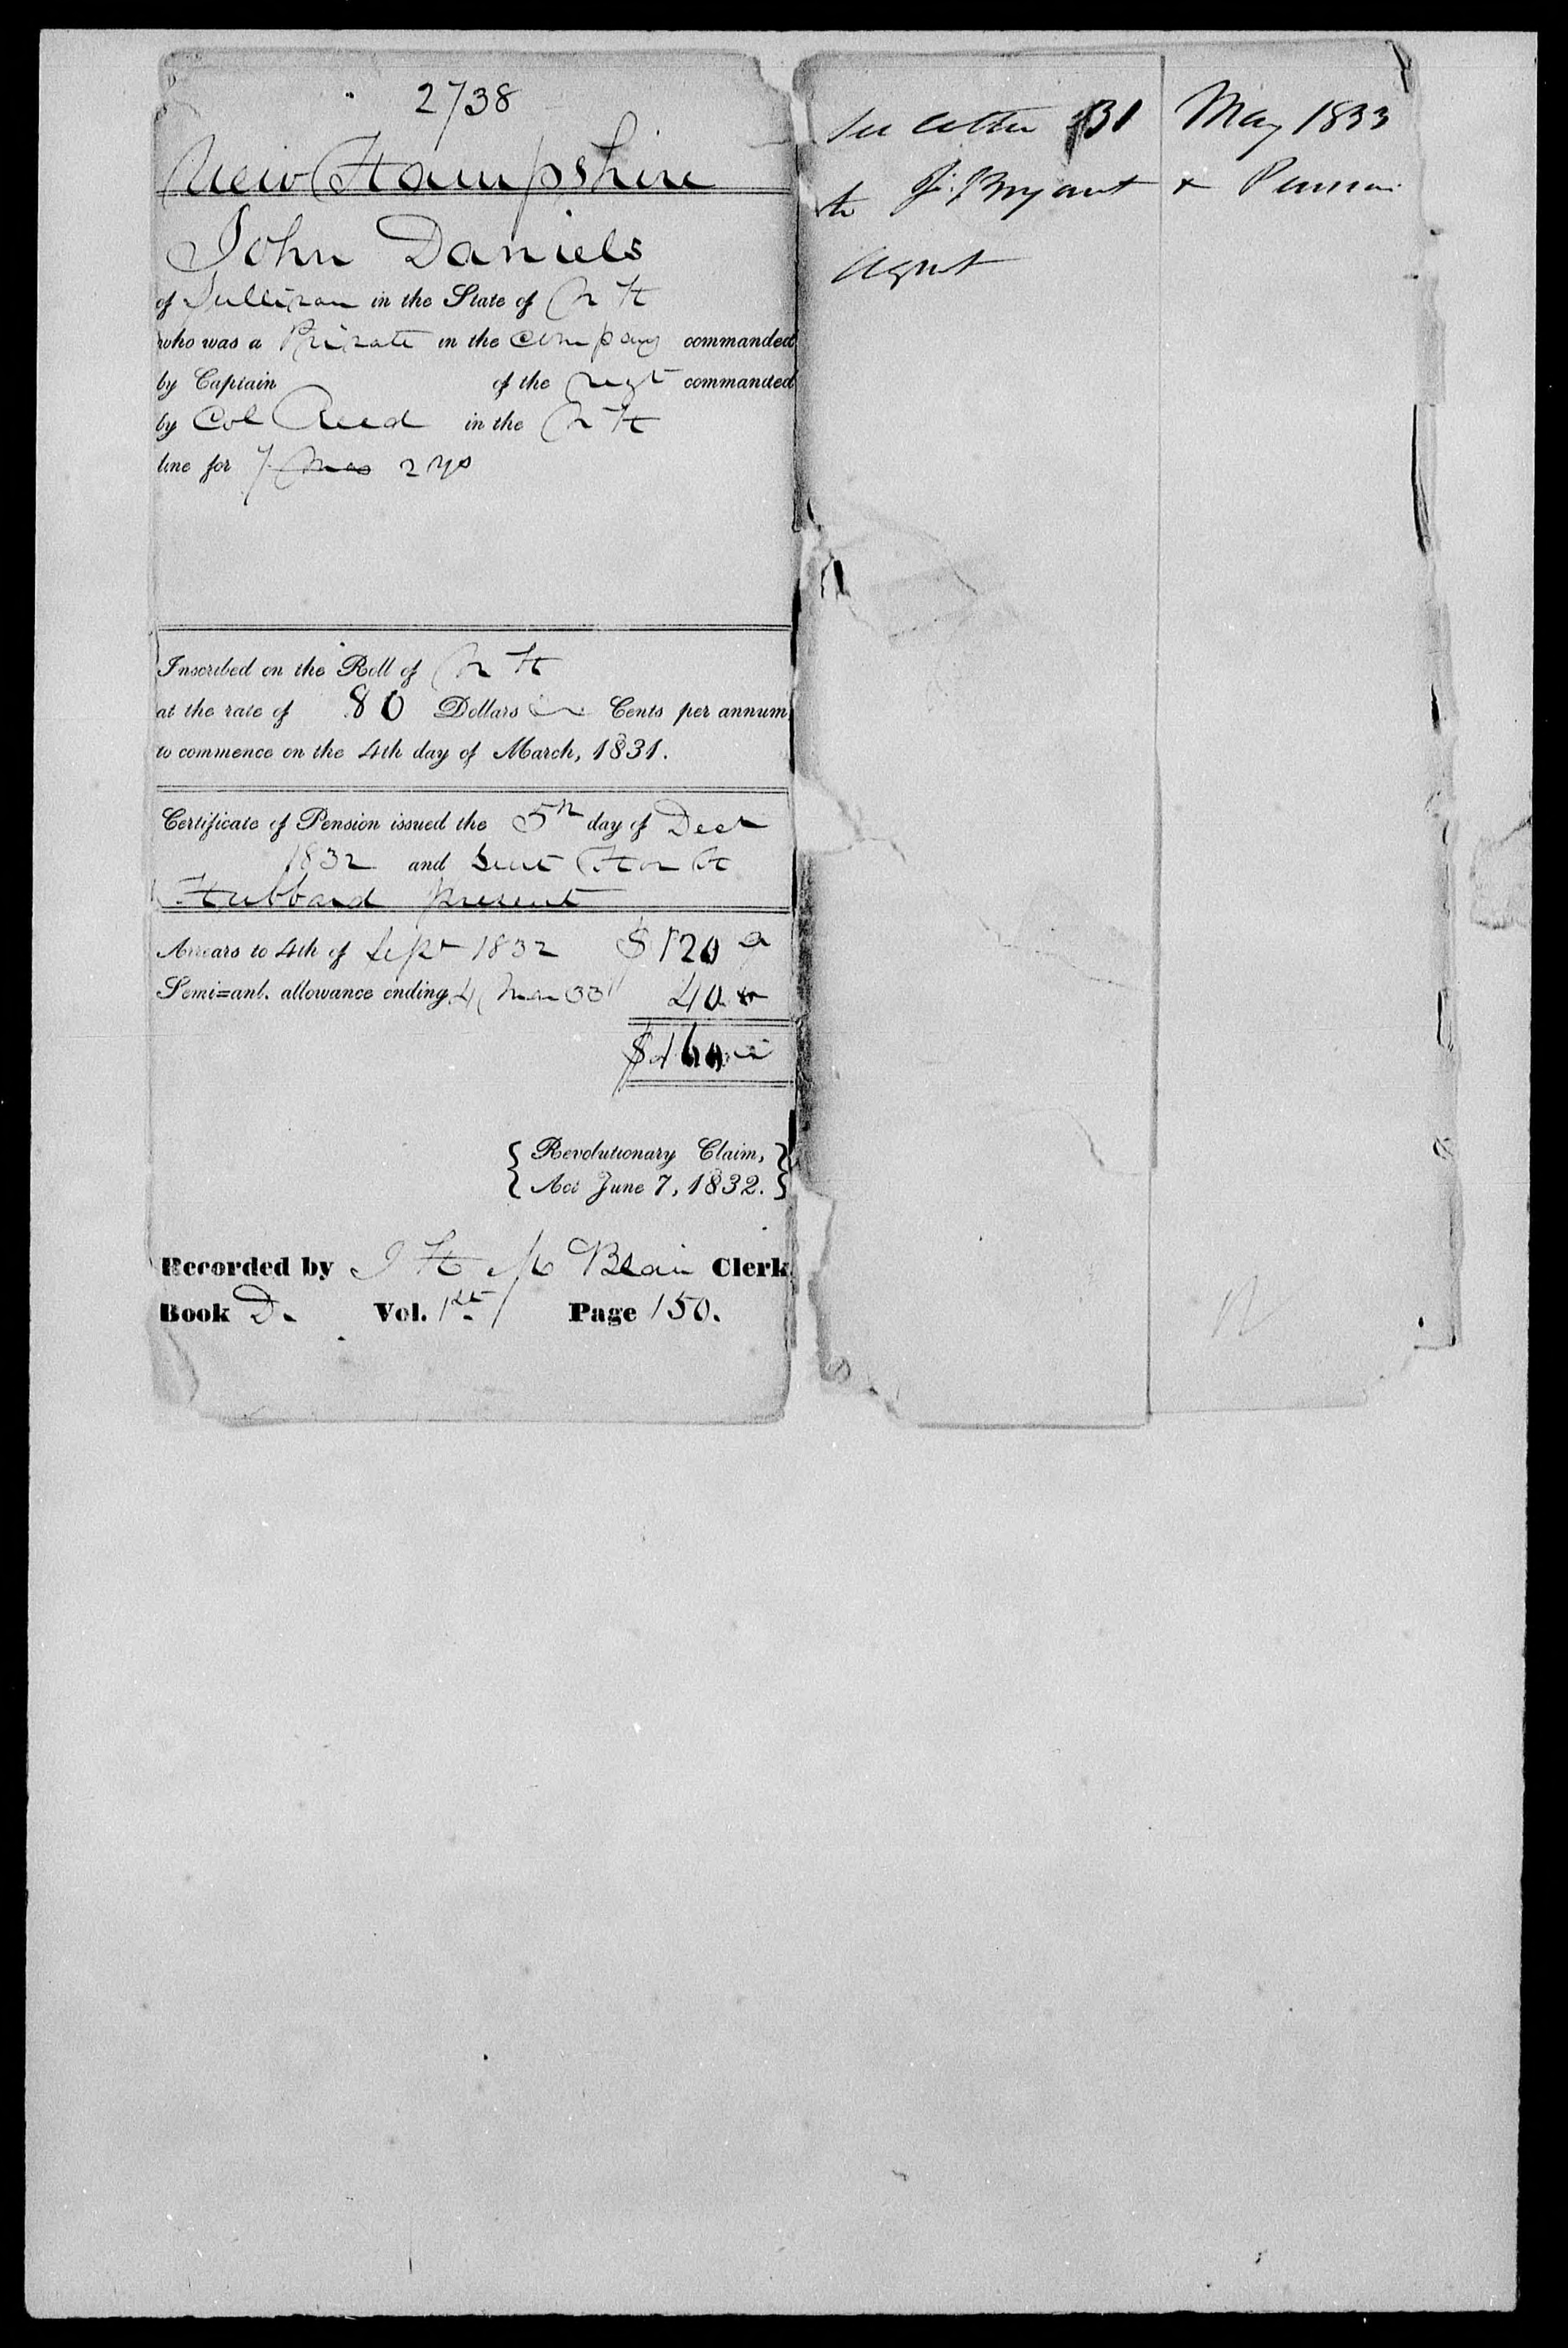2738
New Hampshire
John Daniels
of Sullivan in the State of NH
who was a Private in the company commanded
by Captain (blank) of the regt commanded
by Col Reed in the N.H.
line for 2 yrs.

Inscribed on the Roll of N.H.
at the rate of 80 Dollars - Cents per annum
to commence on the 4th day of March, 1831.

Certificate of Pension issued the 5th day of Decr
1832 and sent Hon. H.L Hubbard present

Arrears to 4th of Sept 1832                   $120
Semi=anl. allowance ending 4 Mar 33      40
(total)                                                     $160

Revolutionary Claim,
Act June 7, 1832.

Recorded by J F Blair Clerk
Book D.  Vol. 1st  Page 150

(next page) 
In letter 31 May 1833
To  J. Bryant & Pension agent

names: J Boyant, John Daniels, J F Mc Blair, H Hubbard, Reed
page: 2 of 43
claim: widow's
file: W 683, John Daniels, Continental Mass. N.H.